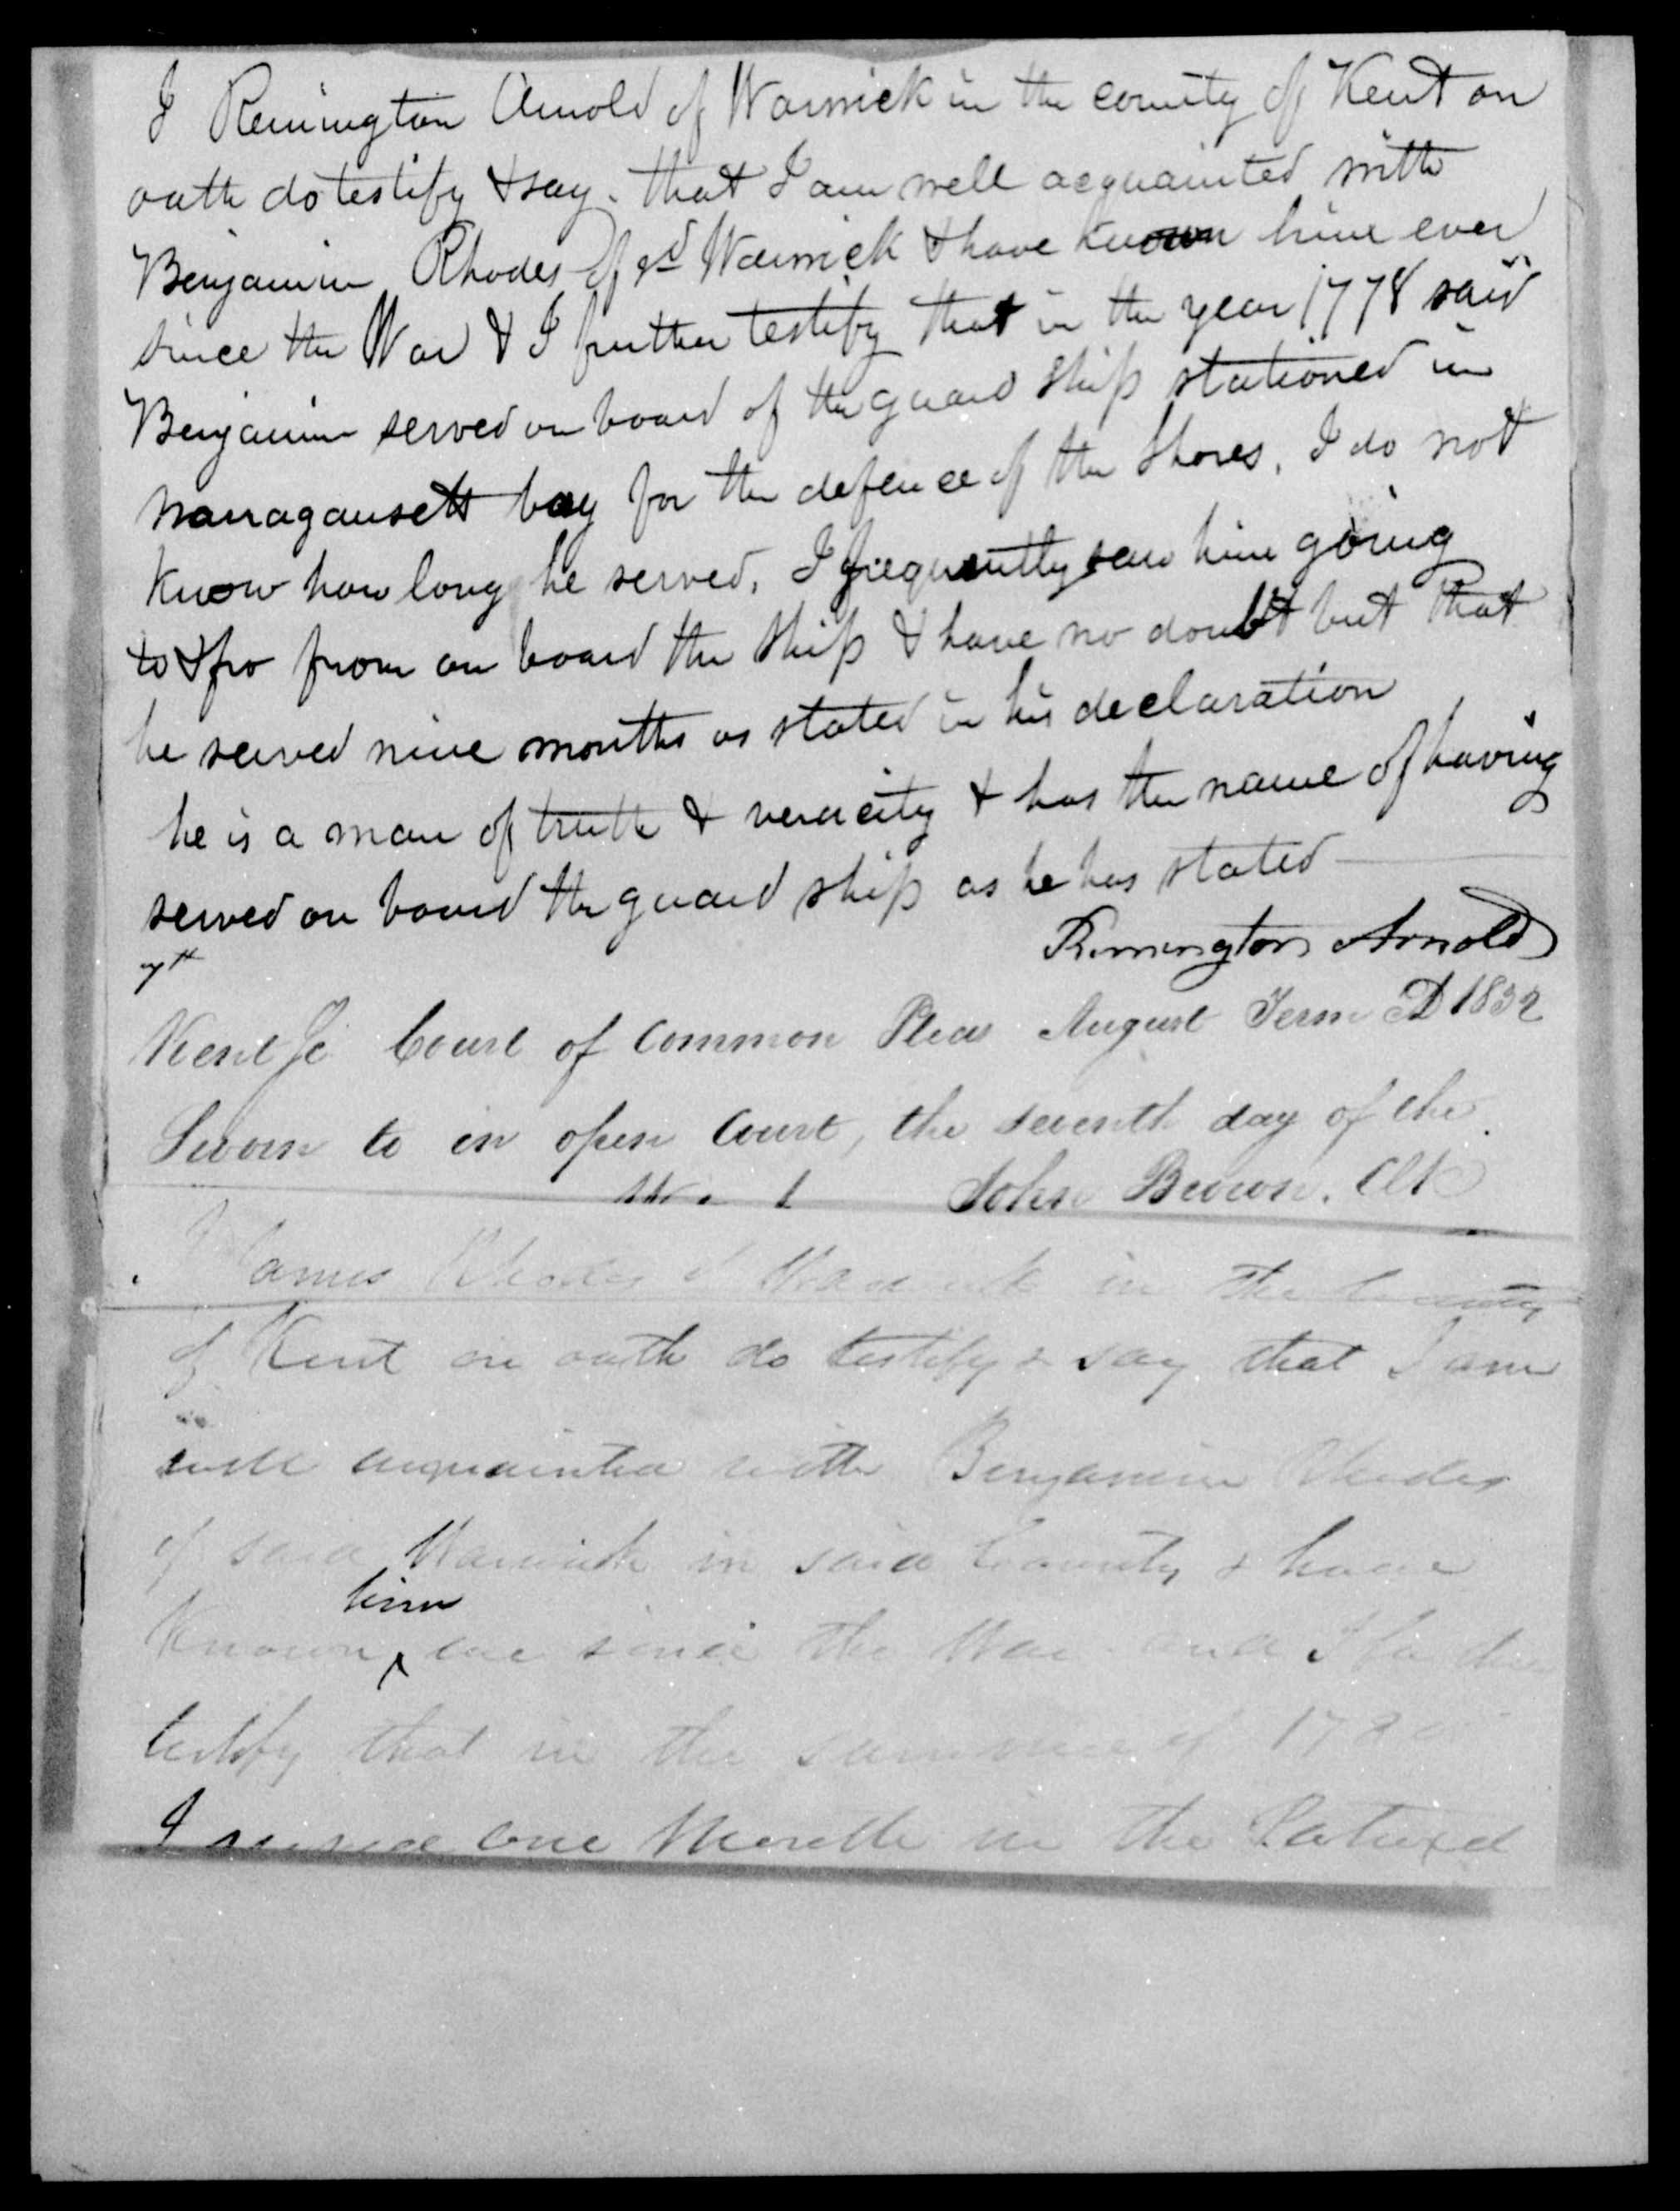I Remington Arnold of Warwick in the County of Kent on oath do testify & say that I am well acquainted with Benjamin Rhodes of sd Warwick & have known him ever since the War & I further testify that in the year 1778 said Benjamin served on board of the guard ship stationed in Naragansett Bay for the defence of the shores. I do not know how long he served. I frequently saw him going to & fro from on board the ship & have no doubt but that he served nine months as stated in his declaration he is a man of truth & veracity & has the name of having
served on board the guard ship as he has stated
Remington Arnold
Kent jc Court of Common Pleas August Term AD 1832  Sworn to in open Court, the seventh day of the -  John Brown Clk

I James Rhodes of Warwick in the County
of Kent on oath do testify & say that I am
well acquainted with Benjamin Rhodes
of said Warwick in said County & have
known him we since the war and I further
testify that in the summer of 1780
one Month in the Patuxet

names: James Rhodes; Benjamin Rhodes; Benjamin [BLANK]; Remington Arnold; Benjamin Rhodes; John Brown; Remington Arnold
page: 42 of 50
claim: widow's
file: W. 22058, for Benjamin Rhodes, Rhode Island